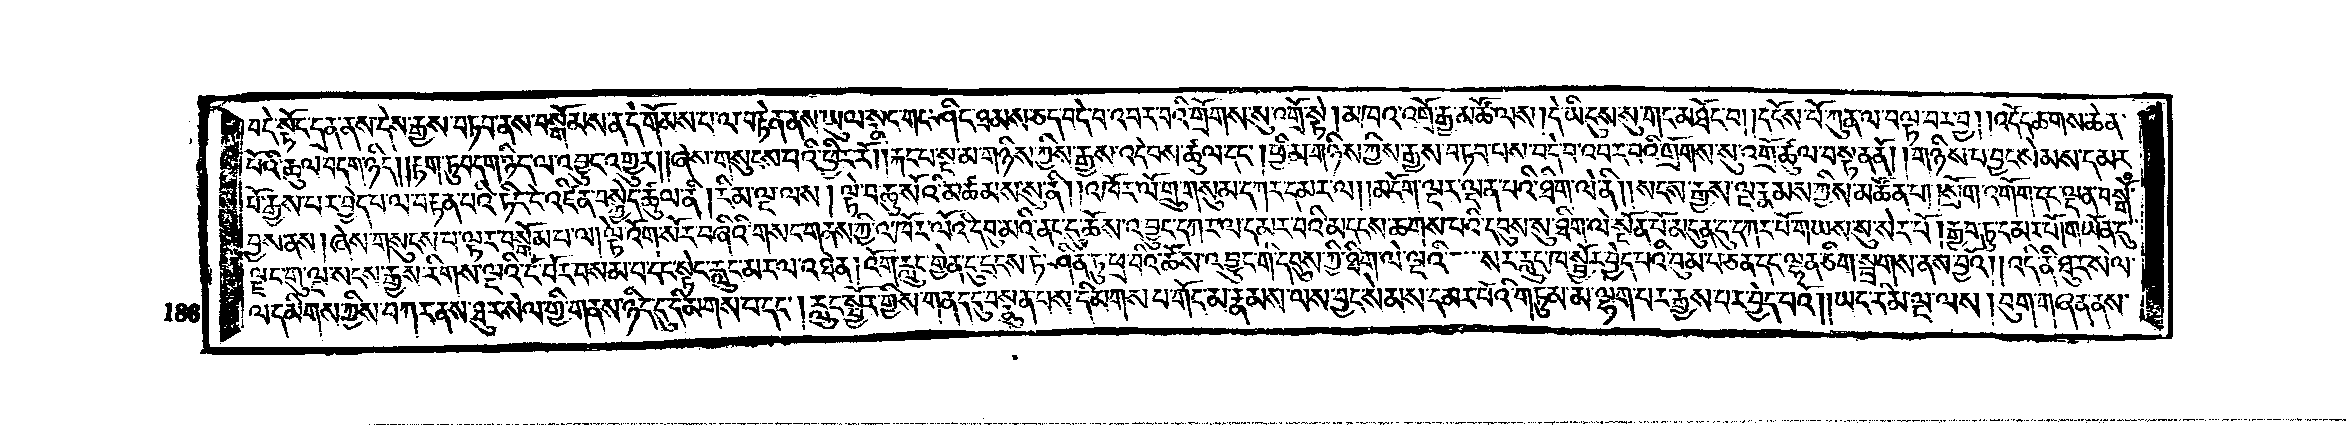བདེ་སྟོང་དྲན་ནས་དེས་རྒྱས་བཏབ་ནས་བསྒོམས་ན་དེ་གོམས་པ་ལ་བརྟེན་ནས་ཡུལ་སྣང་གང་ཤིང་ཐམས་ཅད་བདེ་བ་འབར་བའི་གྲོགས་སུ་འགྲོ་སྟེ། མཁའ་འགྲོ་རྒྱ་མཚོ་ལས། དེ་ཡི་དུས་སུ་གང་མཐོང་བ། །དངོས་པོ་ཀུན་ལ་བལྟ་བར་བྱ། །འདོད་ཆགས་ཆེན་
པོའི་ཚུལ་བདག་ཉིད། །རྟག་ཏུ་བདག་ཉིད་ལ་འབྱུང་འགྱུར། །ཞེས་གསུངས་པའི་ཕྱིར་རོ། །རྐང་པ་སྔ་མ་གཉིས་ཀྱིས་རྒྱས་འདེབས་ཚུལ་དང་། ཕྱི་མ་གཉིས་ཀྱིས་རྒྱས་བཏབ་པས་བདེ་བ་འབར་བའི་གྲོགས་སུ་འགྲོ་ཚུལ་བསྟན་ནོ། །གཉིས་པ་བྱང་སེམས་དམར་
པོ་རྒྱས་པར་བྱེད་པ་ལ་བརྟན་པའི་ཏིང་ངེ་འཛིན་བསྐྱེད་ཚུལ་ནི། རིམ་ལྔ་ལས། ལྟེ་བ་ཆུ་སོའི་མཚམས་སུ་ནི། །འཁོར་ལོ་གྲུ་གསུམ་དཀར་དམར་ལ། །མདོག་ལྔར་ལྡན་པའི་ཐིག་ལེ་ནི། །སངས་རྒྱས་ལྔ་རྣམས་ཀྱིས་མཚོན་པ། །སྲོག་འགོག་དང་ལྡན་བསྒོམ་
བྱས་ནས། ཞེས་གསུངས་པ་ལྟར་བསྒོམ་པ་ལ། ལྟེ་འོག་སོར་བཞིའི་གསང་གནས་ཀྱི་འཁོར་ལོའི་དབུ་མའི་ནང་དུ་ཆོས་འབྱུང་དཀར་ལ་དམར་བའི་མདངས་ཆགས་པའི་དབུས་སུ་ཐིག་ལེ་སྔོན་པོ་མདུན་དུ་དཀར་པོ་གཡས་སུ་སེར་པོ། རྒྱབ་ཏུ་དམར་པོ། གཡོན་དུ་
ལྗང་གུ་ལྔ་སངས་རྒྱས་རིགས་ལྔའི་ངོ་བོར་བསམ་པ་དང་སྟེང་རླུང་མར་ལ་འཐེན། འོག་རླུང་གྱེན་དུ་དྲངས་ཏེ་ཤིན་ཏུ་ཕྲ་བའི་ཆོས་འབྱུང་གི་དབུས་ཀྱི་ཐིག་ལེ་ལྔའི་སར་རླུང་ཁ་སྦྱོར་བྱེད་པའི་བུམ་པ་ཅན་དང་ལྷན་ཅིག་སྦྲགས་ནས་བྱའོ། །འདི་ནི་ཐུར་སེལ་
ལ་དམིགས་ཀྱིས་བཀར་ནས་ཐུར་སེལ་གྱི་གནས་ཉིད་དུ་དམིགས་པ་དང་། རླུང་སྦྱོར་གྱིས་གནད་དུ་བསྣུན་པས་དམིགས་པ་གོང་མ་རྣམས་ལས་བྱང་སེམས་དམར་པོའི་གཏུམ་མོ་ལྷག་པར་རྒྱས་པར་བྱེད་པའོ། །ཡང་རིམ་ལྔ་ལས། བུག་གཞན་ནས་